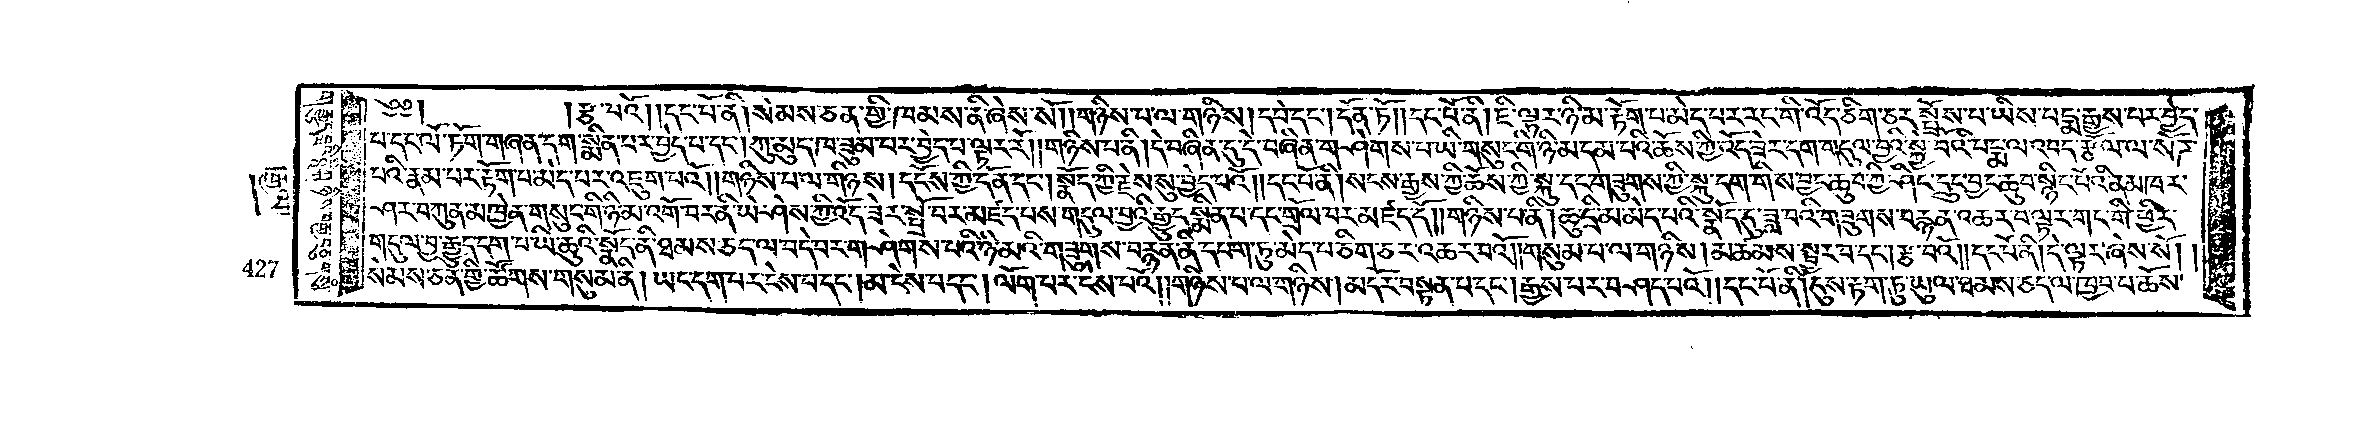༄༅། །རྩ་པའོ། །དང་པོ་ནི། སེམས་ཅན་གྱི་ཁམས་ནི་ཞེས་སོ། །གཉིས་པ་ལ་གཉིས། དཔེ་དང་། དོན་ཏོ། །དང་པོ་ནི། ཇི་ལྟར་ཉི་མ་རྟོག་པ་མེད་པར་རང་གི་འོད་ཅིག་ཅར་སྤྲོས་པ་ཡིས་པདམ་རྒྱས་པར་བྱེད་
པ་དང་ལོ་ཏོག་གཞན་དག་སྨིན་པར་བྱེད་པ་དང་། ཀུན་མུད་ཁ་ཟུམ་པར་བྱེད་པ་ལྟར་རོ། །གཉིས་པ་ནི། དེ་བཞིན་དུ་དེ་བཞིན་གཤེགས་པ་ཡི་གསུང་གི་ཉི་མ་དམ་པའི་ཆོས་ཀྱི་འོད་ཟེར་དག་གདུལ་བྱའི་སྐྱེ་བོའི་པདམ་ལ་འབད་རྩོལ་ལ་སོགས་
པའི་རྣམ་པར་རྟོག་པ་མེད་པར་འཇུག་པའོ། །གཉིས་པ་ལ་གཉིས། དངོས་ཀྱི་དོན་དང་། སྣོད་ཀྱི་རྗེས་སུ་བྱེད་པའོ། །དང་པོ་ནི། སངས་རྒྱས་ཀྱི་ཆོས་ཀྱི་སྐུ་དང་གཟུགས་ཀྱི་སྐུ་དག་གིས་བྱང་ཆུབ་ཀྱི་ཤིང་དྲུང་བྱང་ཆུབ་སྙིང་པོའི་ནམ་མཁར་
ཤར་བ་ཀུན་མཁྱེན་གསུང་གི་ཉི་མ་འགོ་བར་ནི་ཡེ་ཤེས་ཀྱི་འོད་ཟེར་སྤྲོ་བར་མཛད་པས་གདུལ་བྱའི་རྒྱུད་སྨིན་པ་དང་གྲོལ་བར་མཛད་དོ། །གཉིས་པ་ནི། ཆུ་དྲི་མ་མེད་པའི་སྣོད་དུ་ཟླ་བའི་གཟུགས་བརྙན་འཆར་བ་ལྟར་གང་གི་ཕྱིར་
གདུལ་བྱ་རྒྱུད་དག་པ་ཡི་ཆུའི་སྣོད་ནི་ཐམས་ཅད་ལ་བདེ་བར་གཤེགས་པའི་ཉི་མའི་གཟུགས་བརྙན་ནི་དཔག་ཏུ་མེད་པ་ཅིག་ཅར་འཆར་བའོ། །གསུམ་པ་ལ་གཉིས། མཚམས་སྦྱར་བ་དང་། རྩ་བའོ། །དང་པོ་ནི། དེ་ལྟར་ཞེས་སོ། །
སེམས་ཅན་གྱི་ཚོགས་གསུམ་ནི། ཡང་དག་པར་ངེས་པ་དང་། མ་ངེས་པ་དང་། ལོག་པར་ངེས་པའོ། །གཉིས་པ་ལ་གཉིས། མདོར་བསྟན་པ་དང་། རྒྱས་པར་བཤད་པའོ། །དང་པོ་ནི། དུས་རྟག་ཏུ་ཡུལ་ཐམས་ཅད་ལ་ཁྱབ་པ་ཆོས་